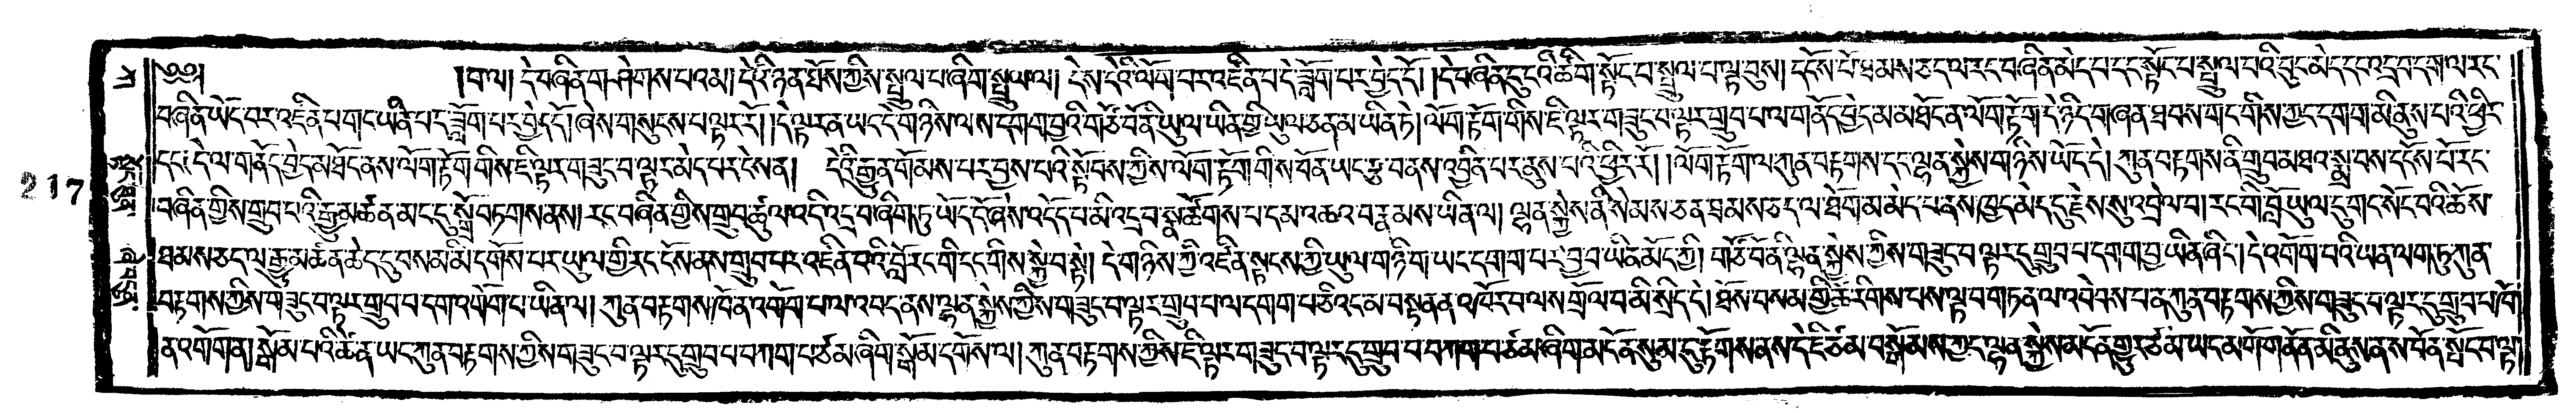༄༅། །པ་ལ། དེ་བཞིན་གཤེགས་པའམ། དེའི་ཉན་ཐོས་ཀྱིས་སྤྲུལ་པ་ཞིག་སྤྲུལ་ལ། དེས་དེའི་ལོག་པར་འཛིན་པ་དེ་ཟློག་པར་བྱེད་དོ། །དེ་བཞིན་དུ་ངའི་ཚིག་སྟོང་བ་སྤྲུལ་པ་ལྟ་བུས། དངོས་པོ་ཐམས་ཅད་ལ་རང་བཞིན་མེད་པ་དང་སྟོང་པ་སྤྲུལ་བའི་བུད་མེད་དང་འདྲ་བ་དག་ལ་རང་
བཞིན་ཡོད་བར་འཛིན་པ་གང་ཡིན་པར་ཟློག་པར་བྱེད་དོ། ཞེས་གསུངས་པ་ལྟར་རོ། །དེ་ལྟར་ན་ཡང་དེ་གཉིས་ལས་དགག་བྱའི་གཙོ་བོ་ནི་ཡུལ་ཡིན་གྱི་ཡུལ་ཅན་མ་ཡིན་ཏེ། ལོག་རྟོག་གིས་ཇི་ལྟར་གཟུང་བ་ལྟར་གྲུབ་པ་ལ་གནོད་བྱེད་མ་མཐོང་ན་ལོག་རྟོག་དེ་ཉིད་གཞན་ཐབས་གང་གིས་ཀྱང་དགག་མི་ནུས་པའི་ཕྱིར་
དང༑ དེ་ལ་གནོད་བྱེད་མཐོང་ནས་ལོག་རྟོག་གིས་ཇི་ལྟར་གཟུང་བ་ལྟར་མེད་པར་ངེས་ན། དེའི་རྒྱུན་གོམས་པར་བྱས་པའི་སྟོབས་ཀྱིས་ལོག་རྟོག་གི་ས་བོན་ཡང་རྩ་བ་ནས་འབྱིན་པར་ནུས་པའི་ཕྱིར་རོ། །ལོག་རྟོག་ལ་ཀུན་བརྟགས་དང་ལྷན་སྐྱེས་གཉིས་ཡོད་དེ། ཀུན་བརྟགས་ནི་གྲུབ་མཐའ་སྨྲ་བས་དངོས་པོ་རང་
བཞིན་གྱིས་གྲུབ་པའི་རྒྱུ་མཚན་མང་དུ་སྒྲོ་བཏགས་ནས། རང་བཞིན་གྱིས་གྲུབ་ཚུལ་འདི་འདྲ་བ་ཞིག་ཏུ་ཡོད་དོ་ཞེས་འདོད་པ་མི་འདྲ་བ་སྣ་ཚོགས་པ་དམ་འཆའ་བ་རྣམས་ཡིན་ལ། ལྷན་སྐྱེས་ནི་སེམས་ཅན་ཐམས་ཅད་ལ་ཐོག་མ་མེད་པ་ནས་ཁྱད་མེད་དུ་རྗེས་སུ་འབྲེལ་བ། རང་གི་བློ་ཡུལ་དུ་གང་སོང་བའི་ཆོས་
ཐམས་ཅད་ལ་རྒྱུ་མཚན་ཆེད་དུ་བསམ་མི་དགོས་པར་ཡུལ་གྱི་རང་ངོས་ནས་གྲུབ་པར་འཛིན་བའི་བློ་རང་གི་དང་གིས་སྐྱེ་བ་སྟེ། དེ་གཉིས་ཀྱི་འཛིན་སྟངས་ཀྱི་ཡུལ་གཉི་ག་ཡང་དགག་པར་བྱ་བ་ཡིན་མོད་ཀྱི། གཙོ་བོ་ནི་ལྷན་སྐྱེས་ཀྱིས་གཟུང་བ་ལྟར་དུ་གྲུབ་པ་དགག་བྱ་ཡིན་ཞིང་། དེ་འགོག་པའི་ཡན་ལག་ཏུ་ཀུན་
བརྟགས་ཀྱིས་གཟུང་བ་ལྟར་གྲུབ་པ་དག་འགོག་པ་ཡིན་ལ། ཀུན་བརྟགས་ཁོ་ན་འགོག་པ་ལ་འབད་ནས་ལྷན་སྐྱེས་ཀྱེས་གཟུང་བ་ལྟར་གྲུབ་པ་ལ་དགག་པ་ཅིའང་མ་བསྟན་ན་འཁོར་བ་ལས་གྲོལ་བ་མི་སྲིད་དེ། ཐོས་བསམ་གྱི་ཚེ་རིགས་པས་ལྟ་བ་གཏན་ལ་འབེབས་པ་ན་ཀུན་བརྟགས་ཀྱིས་གཟུང་བ་ལྟར་དུ་གྲུབ་པ་ཁོ་
ན་འགོག་ན། སྒོམ་པའི་ཚེ་ན་ཡང་ཀུན་བརྟགས་ཀྱིས་གཟུང་བ་ལྟར་དུ་གྲུབ་པ་བཀག་པ་ཙམ་ཞིག་སྒོམ་དགོས་ལ། ཀུན་བརྟགས་ཀྱིས་ཇི་ལྟར་གཟུང་བ་ལྟར་དུ་གྲུབ་པ་བཀག་པ་ཙམ་ཞིག་མངོན་སུམ་དུ་རྟོགས་ནས་དེ་ཇི་ཙམ་བསྒོམས་ཀྱང་ལྷན་སྐྱེས་མངོན་གྱུར་ཙམ་ཡང་མགོ་གནོན་མི་ནུས་ན་ས་བོན་སྤོང་བ་ལྟ་